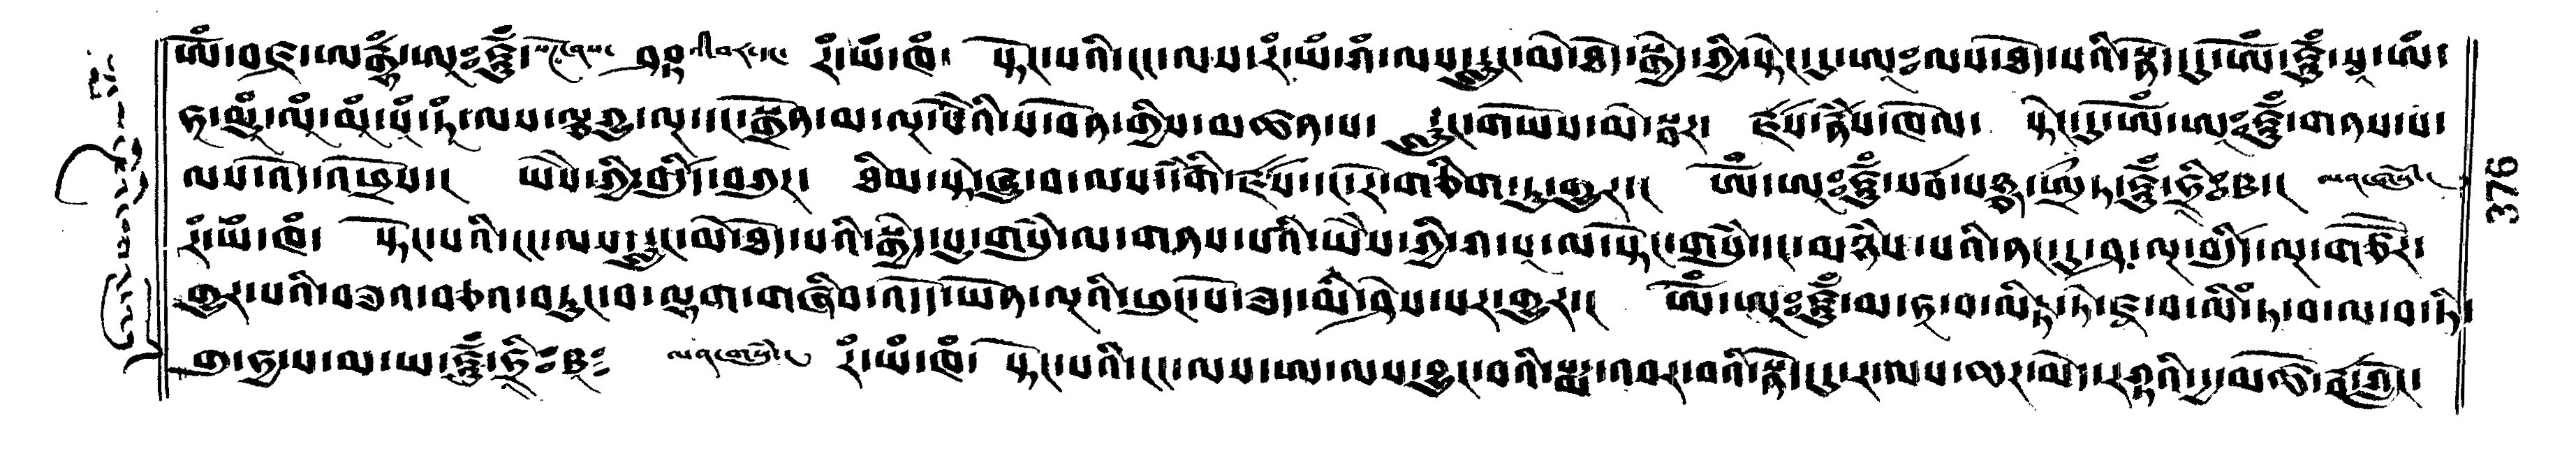ཨོཾ་བཛྲ་ཨརྒྷཾ་ཨཱཿཧཱུྃ་སོགས་ནས་ཤབྟའི་བར་དང་། རཾ་ཡཾ་ཁཾ། སྟོང་པའི་ངང་ལས་རཾ་ཡཾ་ཀཾ་ལས་རླུང་མེ་ཐོད་སྒྱེད་ཀྱི་སྟེང་དུ་ཨཱཿལས་ཐོད་པའི་སྣོད་དུ་ཨོཾ་ཧཱུྃ་སྭ་ཨཾ་
ཧཱ་མུཾ་ལཱཾ་མཾ་པཱཾ་ཏཱཾ་ལས་ལྕགས་ཀྱུ་ལྔ་དང་སྒྲོན་མ་ལྔ་སོ་སོའི་ས་བོན་གྱིས་མཚན་པ། རླུང་གཡོས་མེ་སྦར། རྫས་རྣམས་ཁོལ། སྟེང་དུ་ཨོཾ་ཨཱཿཧཱུྃ་གནས་པ་
ལས་འོད་འཕྲོས། ཡེ་ཤེས་ཀྱི་བདུད་རྩི་བཀུགས་ཐིམ་ཞུ་བ་ལས་དམ་ཚིག་གི་རྫས་དང་རོ་གཅིག་ཏུ་གྱུར། ཨོཾ་ཨཱཿཧཱུྃ་སརྦ་པཙྪ་ཨ་མྲྀཏ་ཧཱུྂ་ཧྲཱིཿཋ། ལན་གསུམ། 
རཾ་ཡཾ་ཁཾ། སྟོང་པའི་ངང་ལས་རླུང་མེ་ཐོད་པའི་སྒྱེད་པུ་གསུམ་ལ་གནས་པའི་ཡེ་ཤེས་ཀྱི་ཀ་པཱ་ལ་སྟོང་གསུམ་དང་མཉམ་པའི་ནང་དུ་ཤ་ལྔ་བདུད་རྩི་ལྔ་གཙོ་བོར་
གྱུར་པའི་བཟའ་བཅའ་བཏུང་བ་ལྡག་གཞིབ་འདོད་ཡོན་ལྔའི་ཕུང་པོ་ཟད་མི་ཤེས་པར་གྱུར། ཨོཾ་ཨཱཿཧཱུྃ་མ་ཧཱ་བ་ལིངྟ་ཏེ་ཛྭ་བ་ལིཾ་ཏ་བ་ལ་བ་ཏི་
གུ་ཧྱ་ས་མ་ཡ་ཧཱུྂ་ཧྲཱིཿཋ། ལན་གསུམ། རཾ་ཡཾ་ཁཾ། སྟོང་པའི་ངང་ལས་ཨ་ལས་བྱུང་བའི་པདྨ་འབར་བའི་སྣོད་དུ་རཿལས་ཆགས་མེད་རཀྟའི་རྒྱ་མཚོ་རྦ་ཀློང་